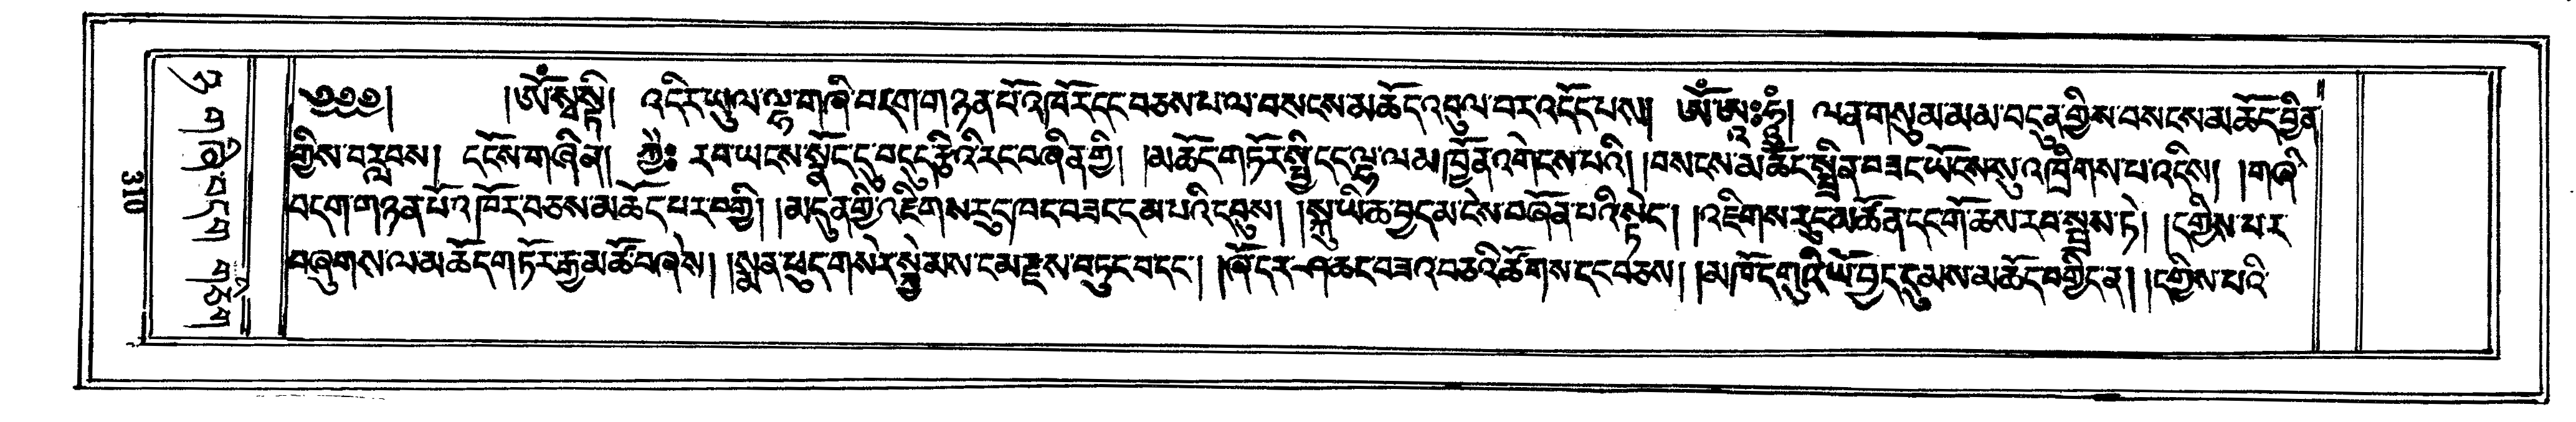༄༅༅། །ཨོཾ་སྭསྟི། འདིར་ཡུལ་ལྷ་གཞི་བདག་གཉན་པོ་འཁོར་དང་བཅས་པ་ལ་བསངས་མཆོད་འབུལ་བར་འདོད་པས། ཨོཾ་ཨཱཿཧཱུཾ། ལན་གསུམ་མམ་བདུན་གྱིས་བསངས་མཆོད་བྱིན་
གྱིས་བརླབས། དངོས་གཞིན། ཀྱཻཿ རབ་ཡངས་སྣོད་དུ་བདུད་རྩིའི་རང་བཞིན་གྱི། །མཆོད་གཏོར་སྤྱི་དང་ལྷ་ལམ་ཁྱོན་འགེངས་པའི། །བསངས་མཆོད་སྤྲིན་བཟང་ཡོངས་སུ་འཁྲིགས་བ་འདིས། །གཞི་
བདག་གཉན་པོ་འཁོར་བཅས་མཆོད་པར་བགྱི། །མདུན་གྱི་འཇིགས་རུང་ཁང་བཟང་དམ་པའི་དབུས། །སྐུ་ཡི་ཆ་བྱད་མ་ངེས་བཞོན་པའི་སྟེང་། །འཇིགས་རུང་མཚོན་དང་གོ་ཆས་རབ་སྤྲས་ཏེ། །དགྱེས་པར་
བཞུགས་ལ་མཆོད་གཏོར་རྒྱ་མཚོ་བཞེས། །སྨན་ཕུད་གསེར་སྐྱེམས་དམ་རྫས་བཏུང་བ་དང་། །ཞོ་དར་ཤ་ཆང་བཟའ་བཅའི་ཚོགས་དང་བཅས། །མཁོ་དགུའི་ཡོ་བྱད་དུ་མས་མཆོད་བགྱིད་ན། །དགྱེས་བའི་